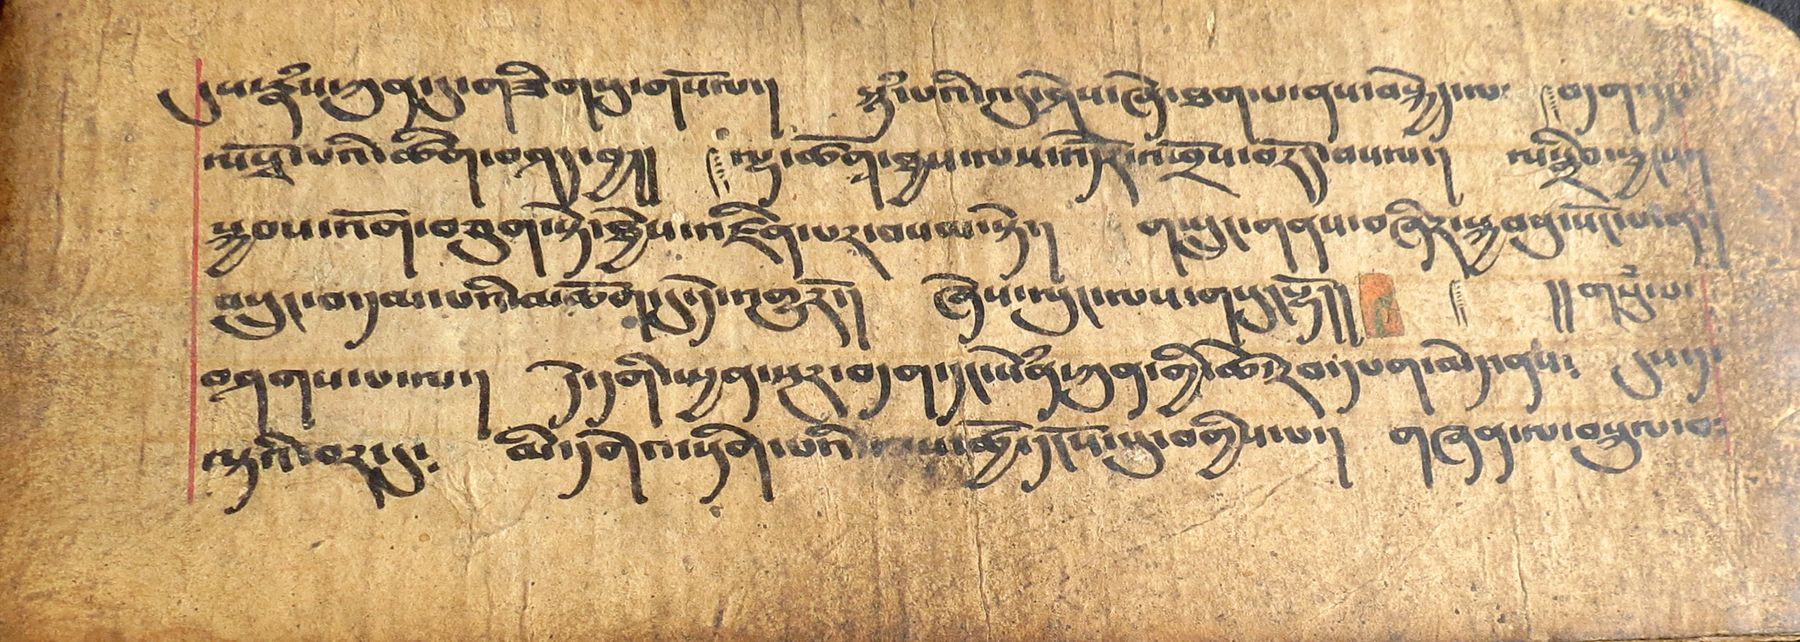དུས་རྣམས་ཀུན་ཏུ་གཟིགས་སུ་གསོལ་ལོ། ། སྙམ་པའི་འདུ་ཤེས་ཞེ་ཐག་པ་ནས་བསྐྱེད་ལ། བདག་དང་། 
ལ་སོགས་པའི་ཚིག་བཤད་བྱ། ལྷ་ཚོགས་ཐུགས་ལས་འོད་འཕྲོས། བར་ཆོད་བསལ་ལ་སྒྲིབ་སྦྱངས་
སྐྱབས་འོག་བཅུག་སྟེ་ཐུགས་རྗེས་འཛིན་པར་བསམ་སྟེ། གཡུང་དྲུང་གནས་བཞིར་སྐྱབས་སུ་སོང་བ་ན། 
སྲུང་བ་དམ་པའི་མཆོག་ཏུ་དེ་འགྱུར་རོ། ། ཅེས་སེམས་ལུང་ལས་གསུངས་སོ། ། གསུམ་པ་
བཤགས་པ་ལ། དེ་དག་གི་སྤྱན་སྔར་བདག་དང་སེམས་ཅན་ཀུན་གྱིས་ཚེ་རབས་དཔག་མེད་ནས་དུས་ད་
ལྟའི་བར་དུ། མི་དགེ་སྡིག་པའི་ལས་ཚོགས་དངོས་སུ་བགྱིས་པ། གཞན་ལ་བསྐུལ་བ།